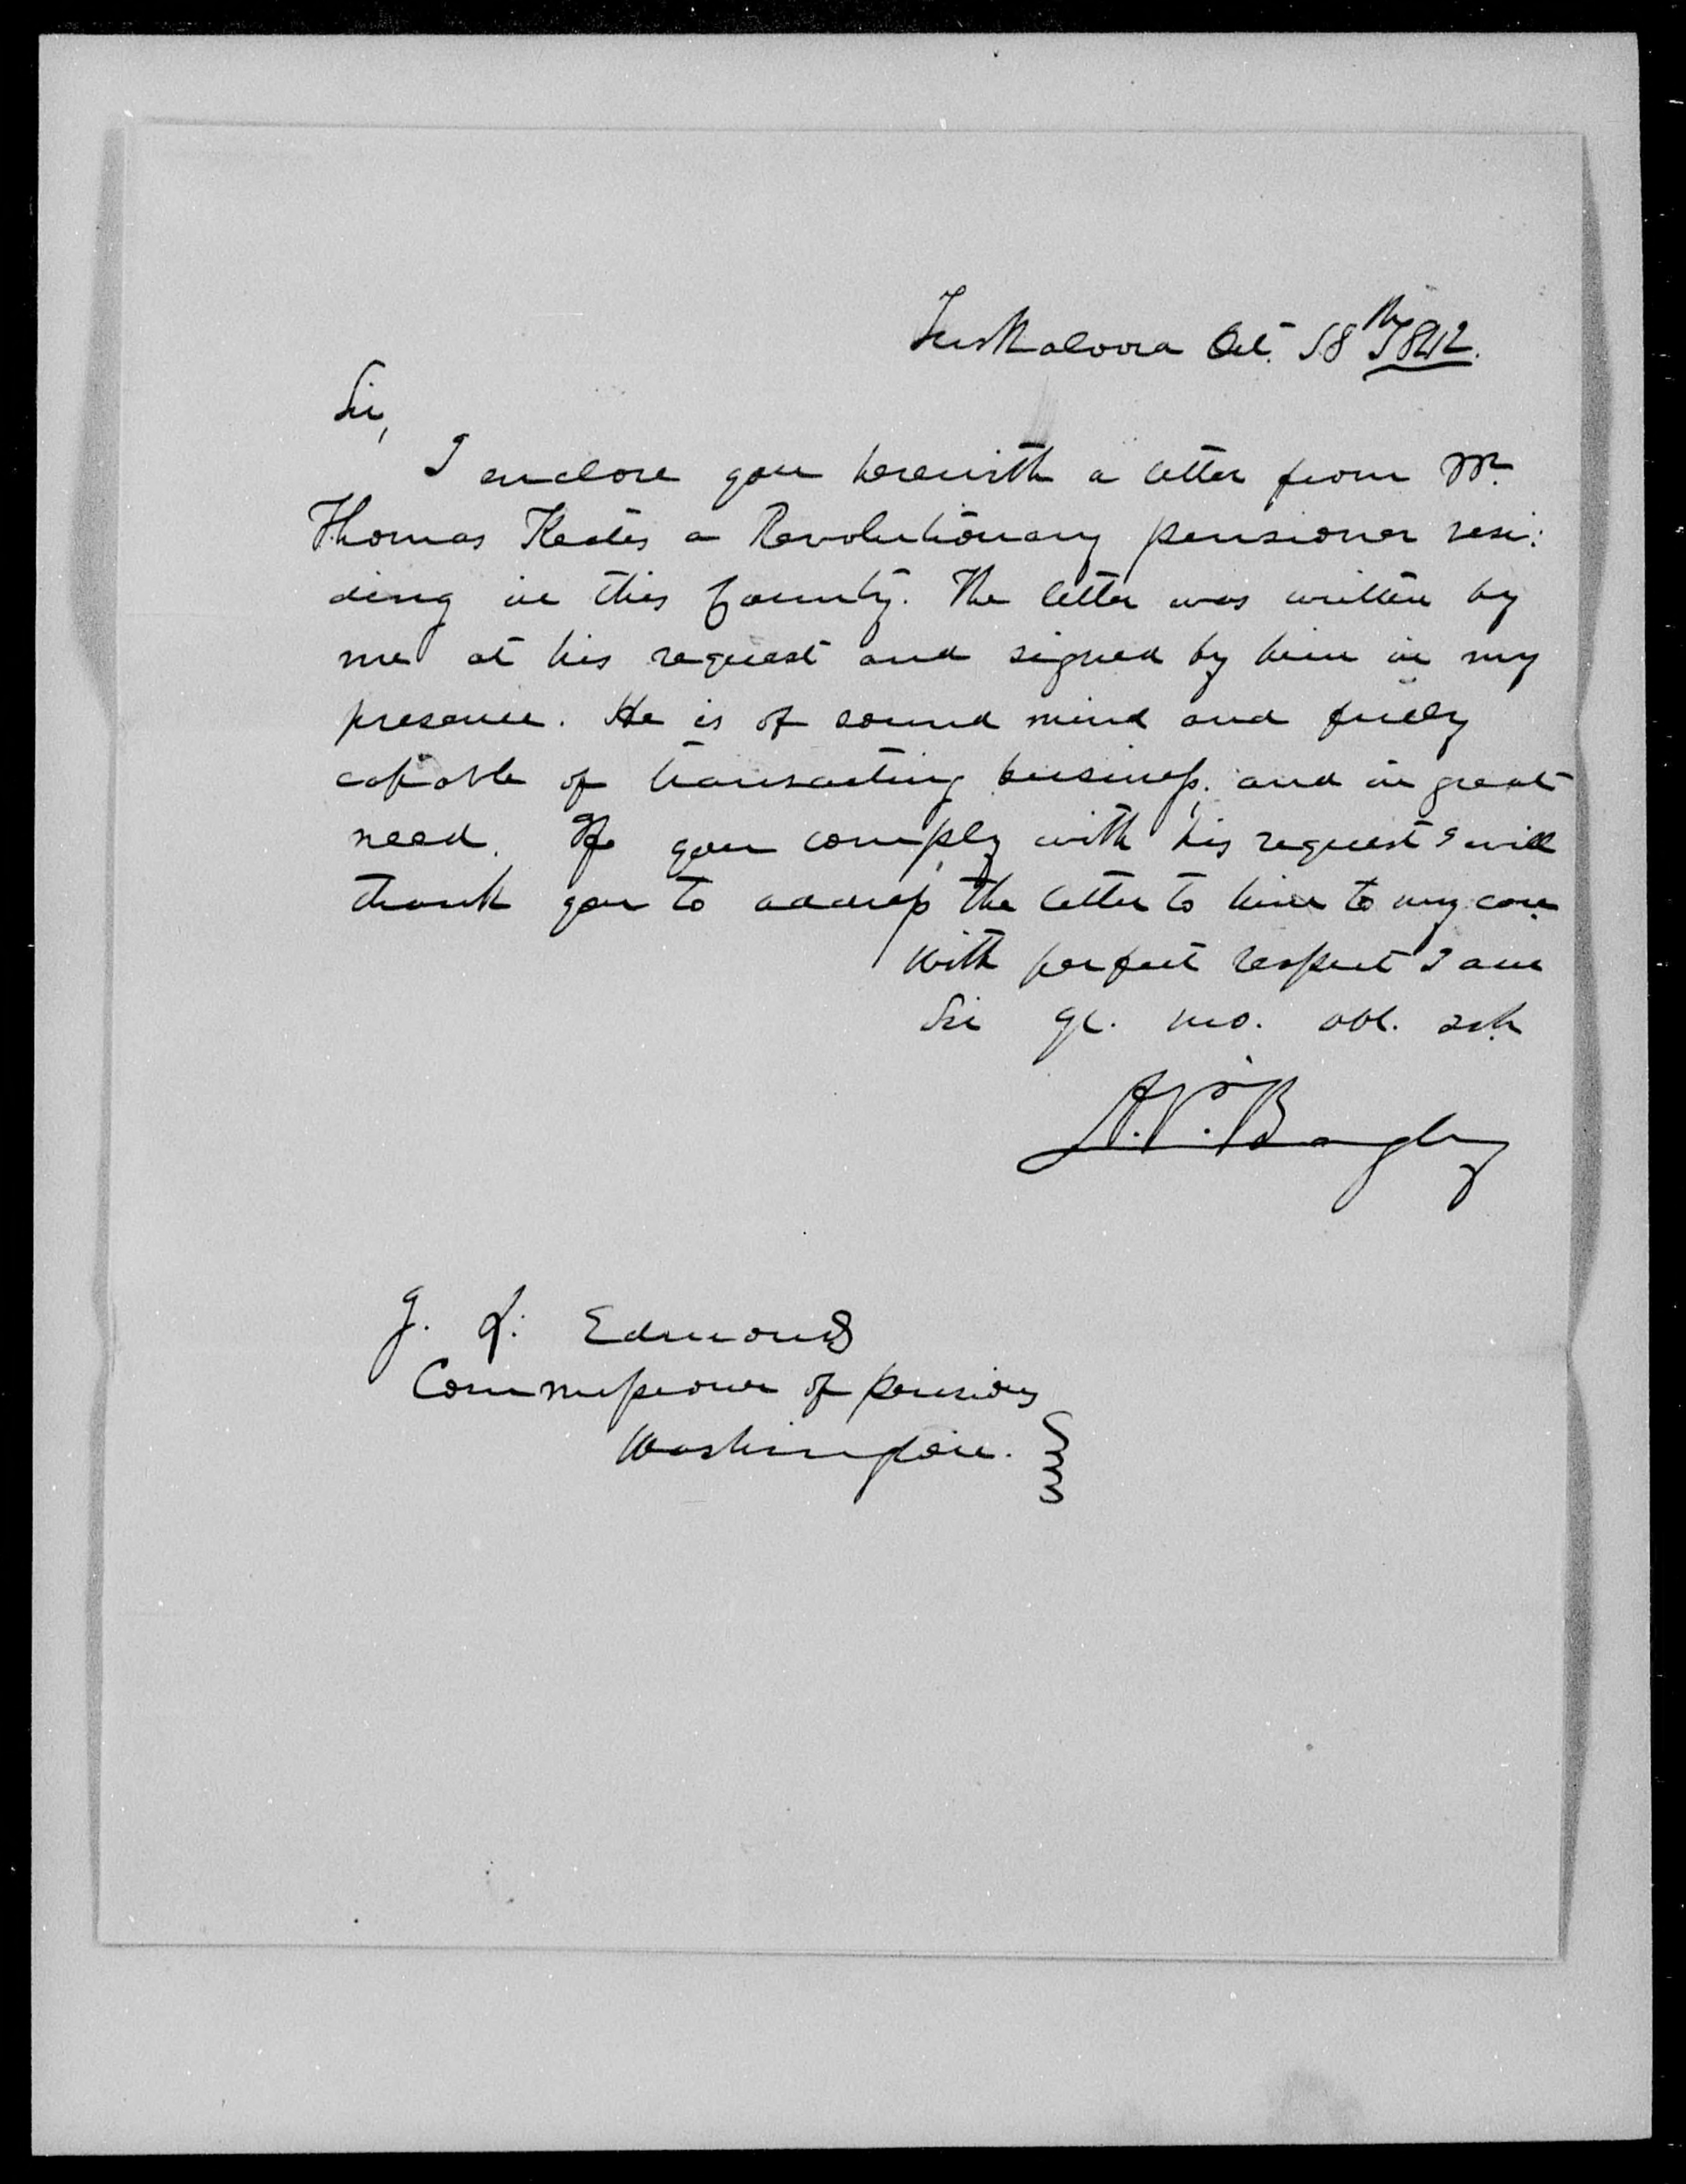Tuskaloosa  Oct 18th 1842.
Sir,
I enclose your herewith a letter from Mr.
Thomas Keates a Revolutionary pensioner 
residing in this family.  The letter was written by
me at his request and signed by him in my
presence.  He is of sound mind and fully
capable of transacting business and in great
need of you comply with his request & will
thank you to add[illegible] the letter to him to my case.
With perfect respect I am
[line illegible]
[illegible signature]

G. L. Edwards
Commissioner of Pensions
Washington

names: A P Bagby; J L Edwards; Thomas Keates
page: 13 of 25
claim: survivor's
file: S. 38109, for Thomas Keates, Maryland